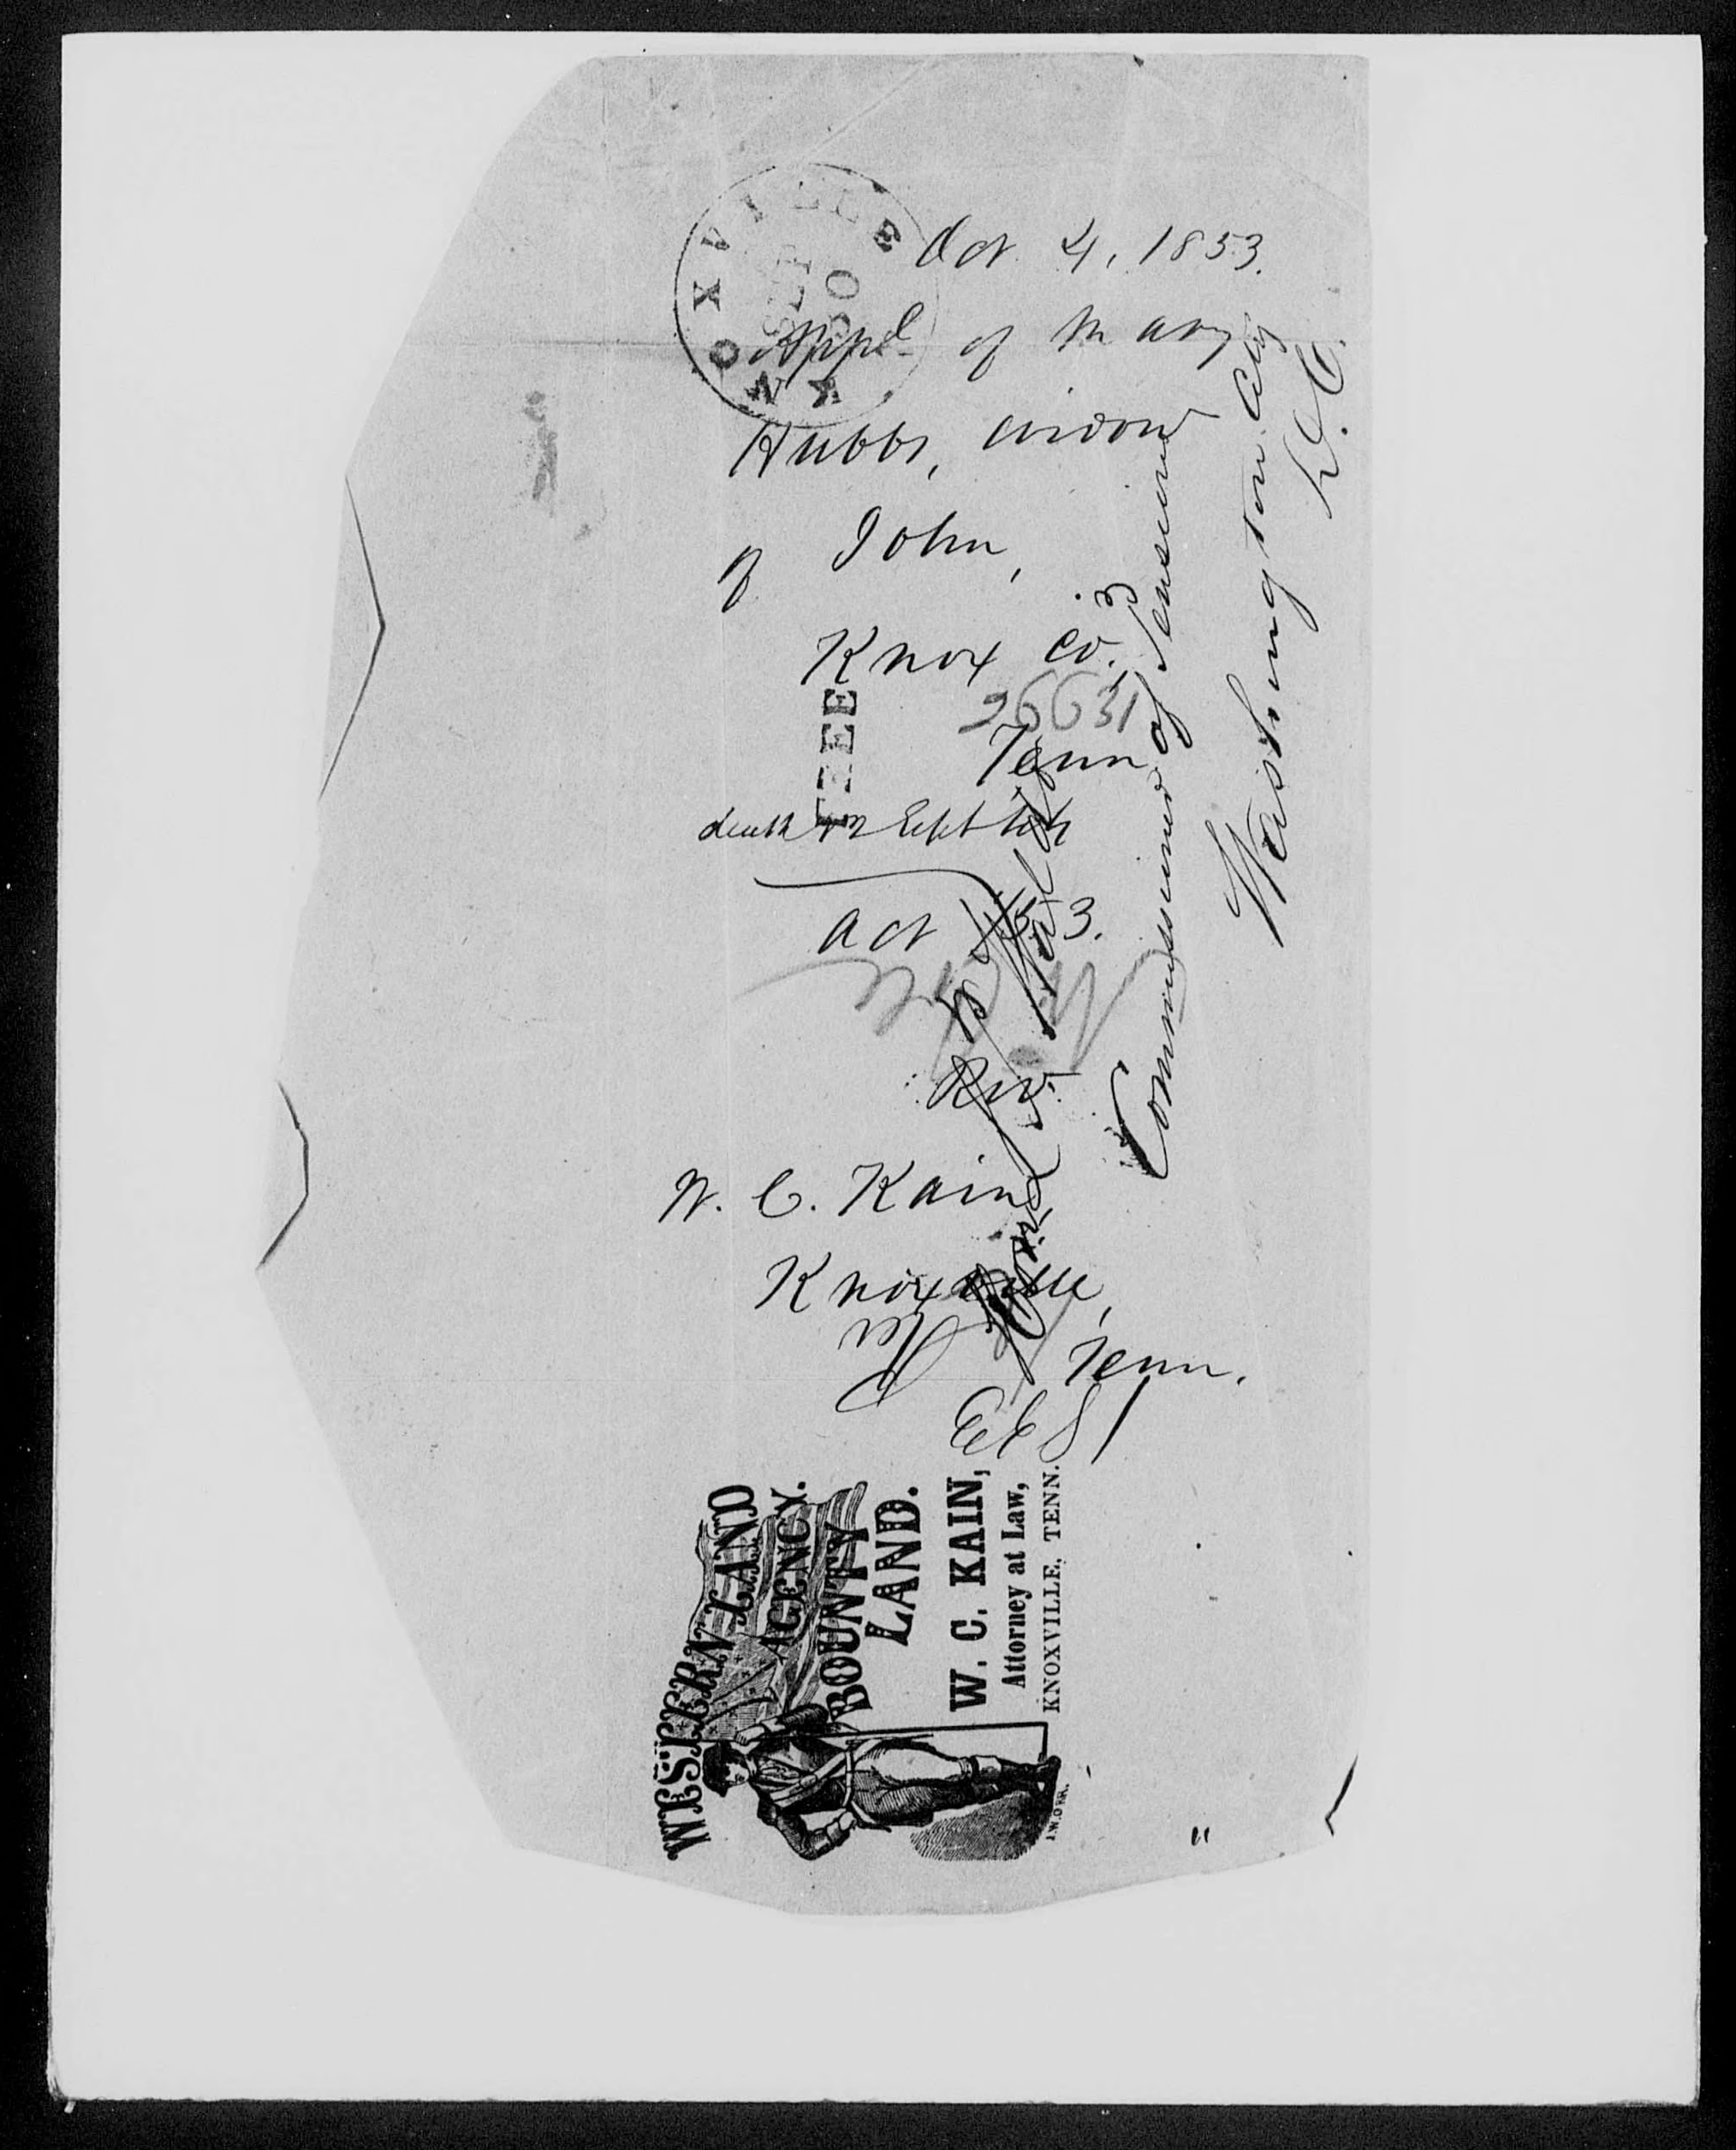[vertical]

Stamp
KNOXVILLE 
SEP
30

Nov 4, 1833
Appl of Mary
Hubbs widow
of John,
Knox Co
Tenn
26631

death 12 Sept [illegible]
Acr [illegible] 3.

Rev
W C Kain
Knowville 
Tenn.

1833
Rev

[horizontal

[Return Address]
WESTERN LAND
AGENCY
BOUNTY
LAND

W. C. KAIN
Attorney at Law,
KNOXVILLE, TENN

FREE

Hon L. P. Waldo
Commissioner  of Pensions 
Washington City 
D.C.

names: John Hubbs, W C Kain, Mary Hubbs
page: 25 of 86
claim: widow's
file: W. 1035, John Hubbs, S.C.